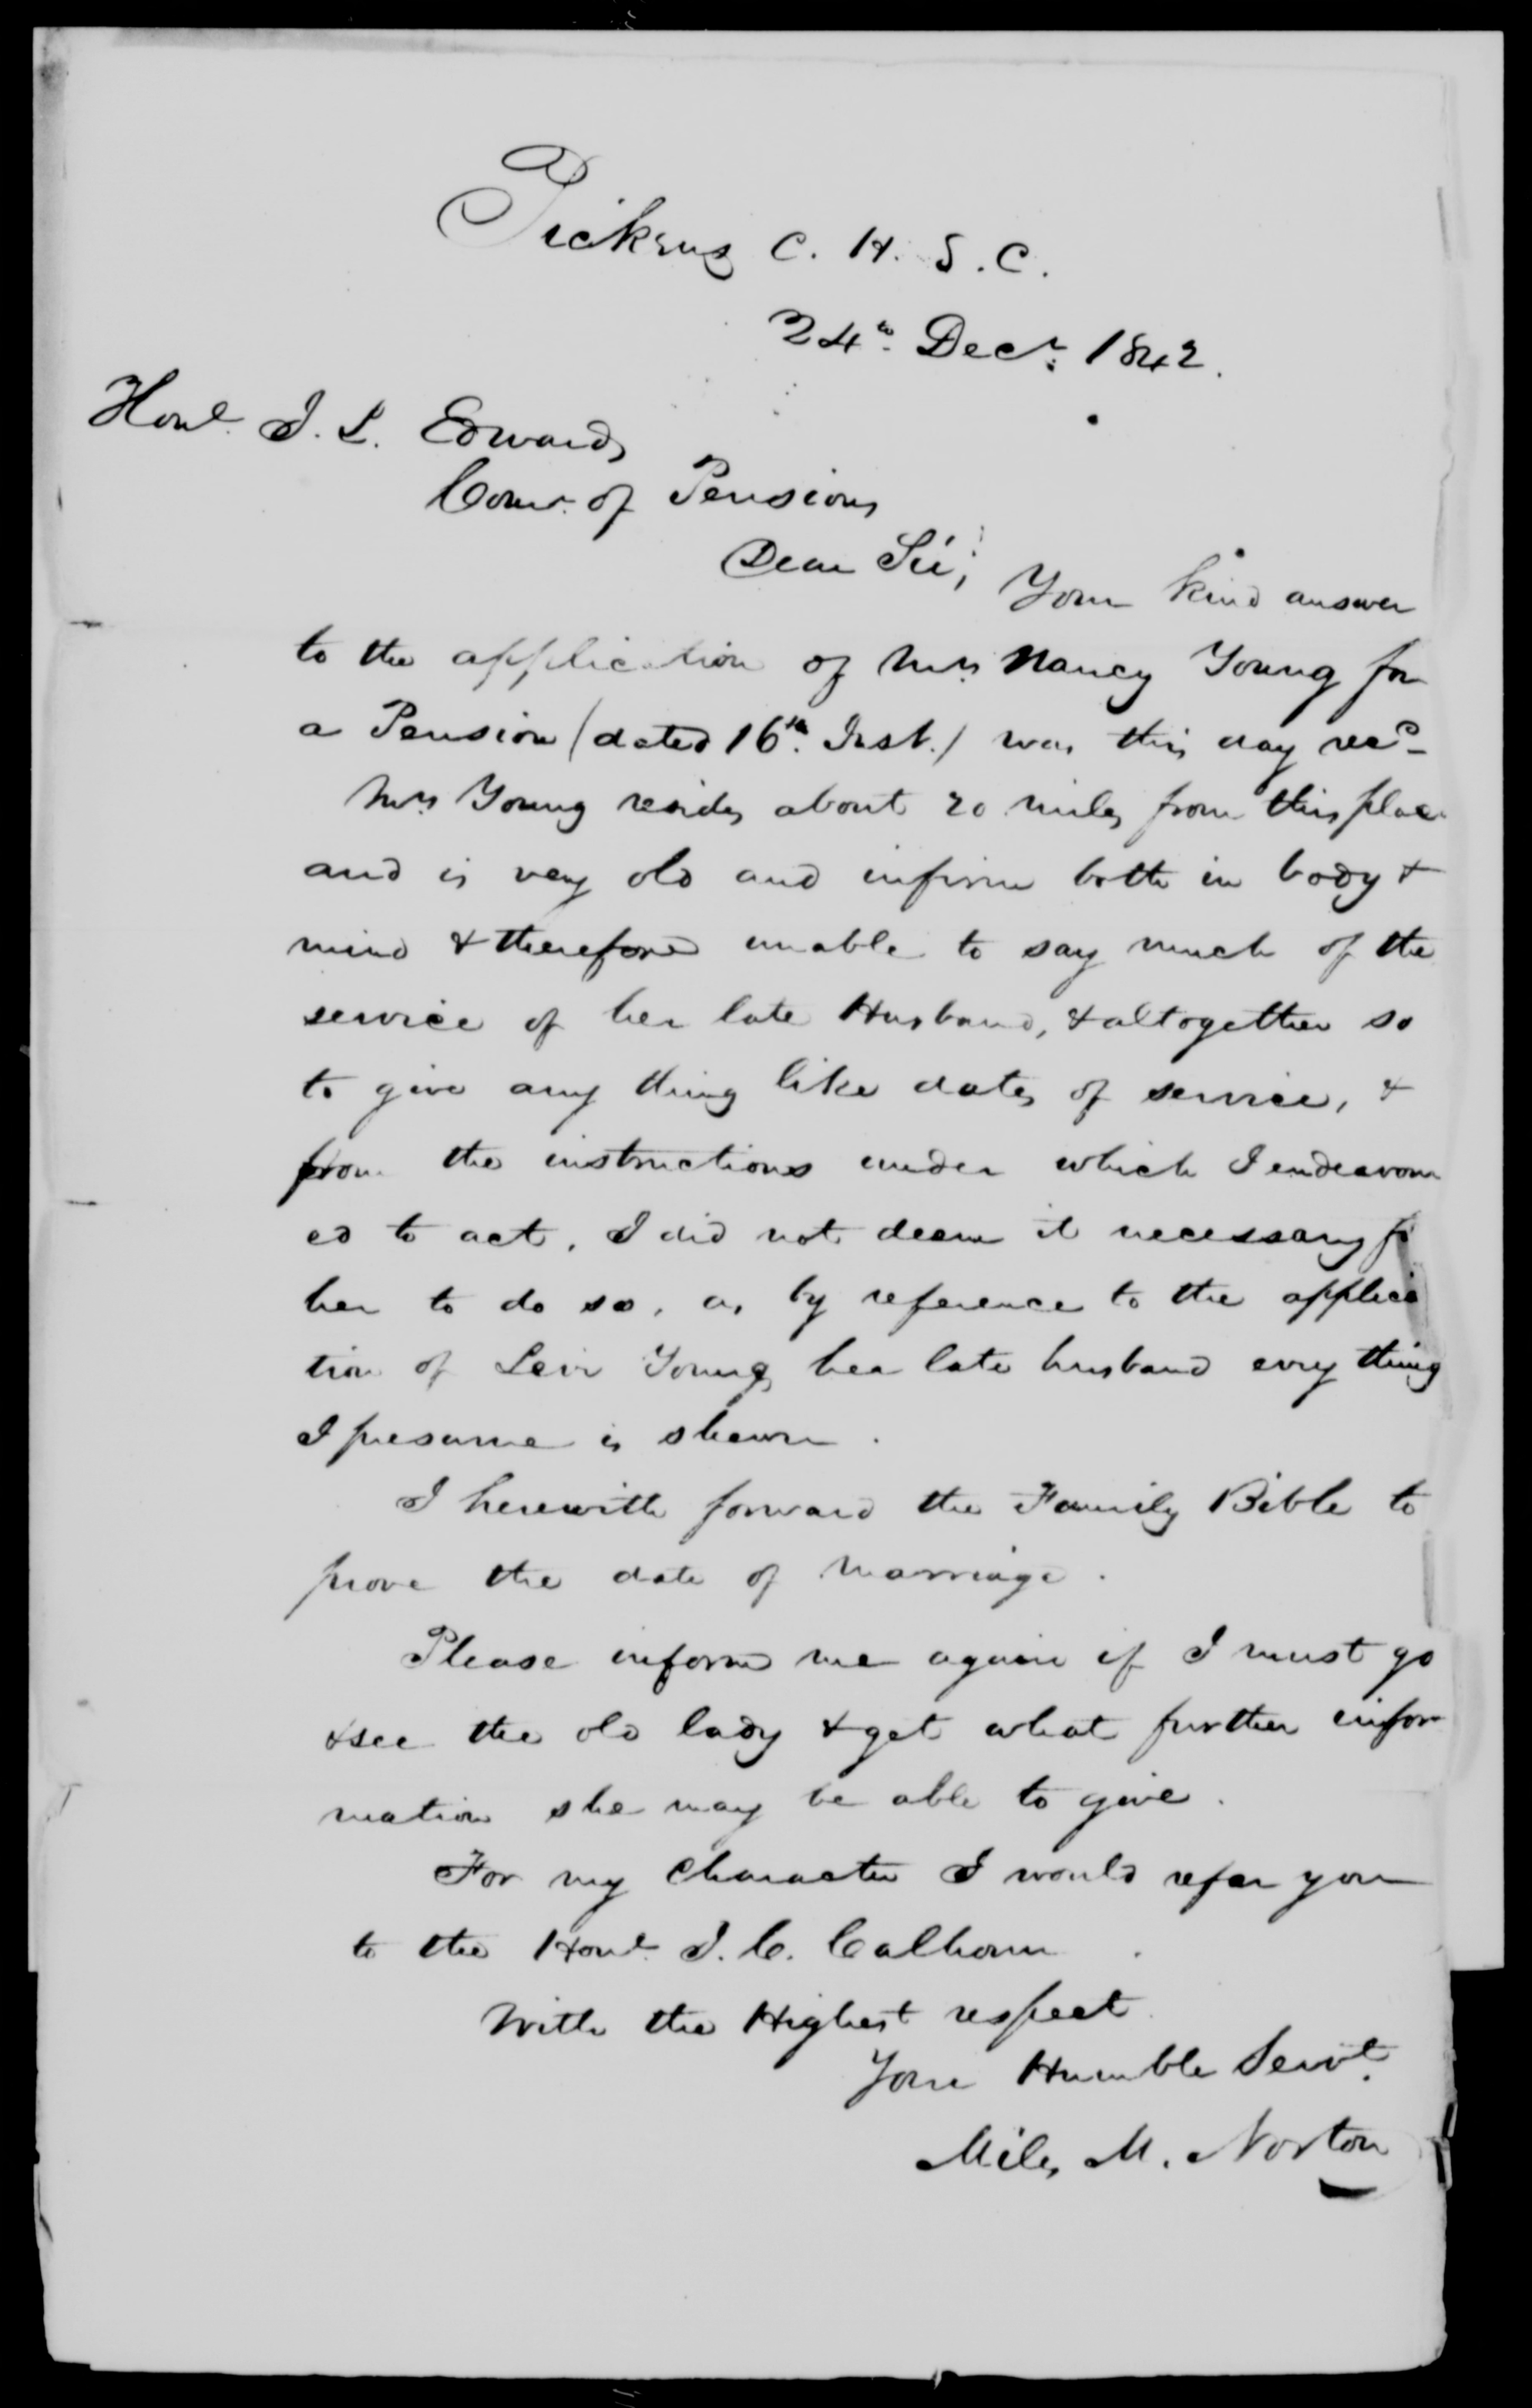Pickens C. H. S. C. [Court House South Carolina]
24th Decr. [December] 1842.

Honl. [Honorable] J. [James] L. Edwards
Com. [Commissioner] of Pensions
Dear Sir:
Your kind answer
to the ap[plication of Mrs. Nancy Young for
a Pension (dated 16th Inst. [Instant]) was this day recd (sic received).
Mrs. Young resides about 20 miles from this place
and is very old and infirm both in body +
mind + therefore unable to say much of the
service of her late Husband, + altogether so
to give any thing (sic anything) like dates of service, +
from the instructions under which I endeavor
ed to act.  I did not deem it necessary for
her todo so, as by reference to the applica-
tion of Levi Young, her late husband every thing (sic everything)
I presume is shown.
I herewith forward the Family Bible to
prove the date of marriage.
Please inform me again if I mustgo
+ see the old lady + get what further infor
mation she may be able to give.
For my character I would refer you 
to the Honl [Honorable] J. [John] C. Calhoun.
With the Highest respect
Your Humble Servt. [Servant]
Miles M. Norton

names: J L Edwards, Nancy Young, J C Calhoun, Levi Young, Miles M Norton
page: 56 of 56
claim: widow's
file: W. 9040, Levi Young, Ga. New Jersey S.C.